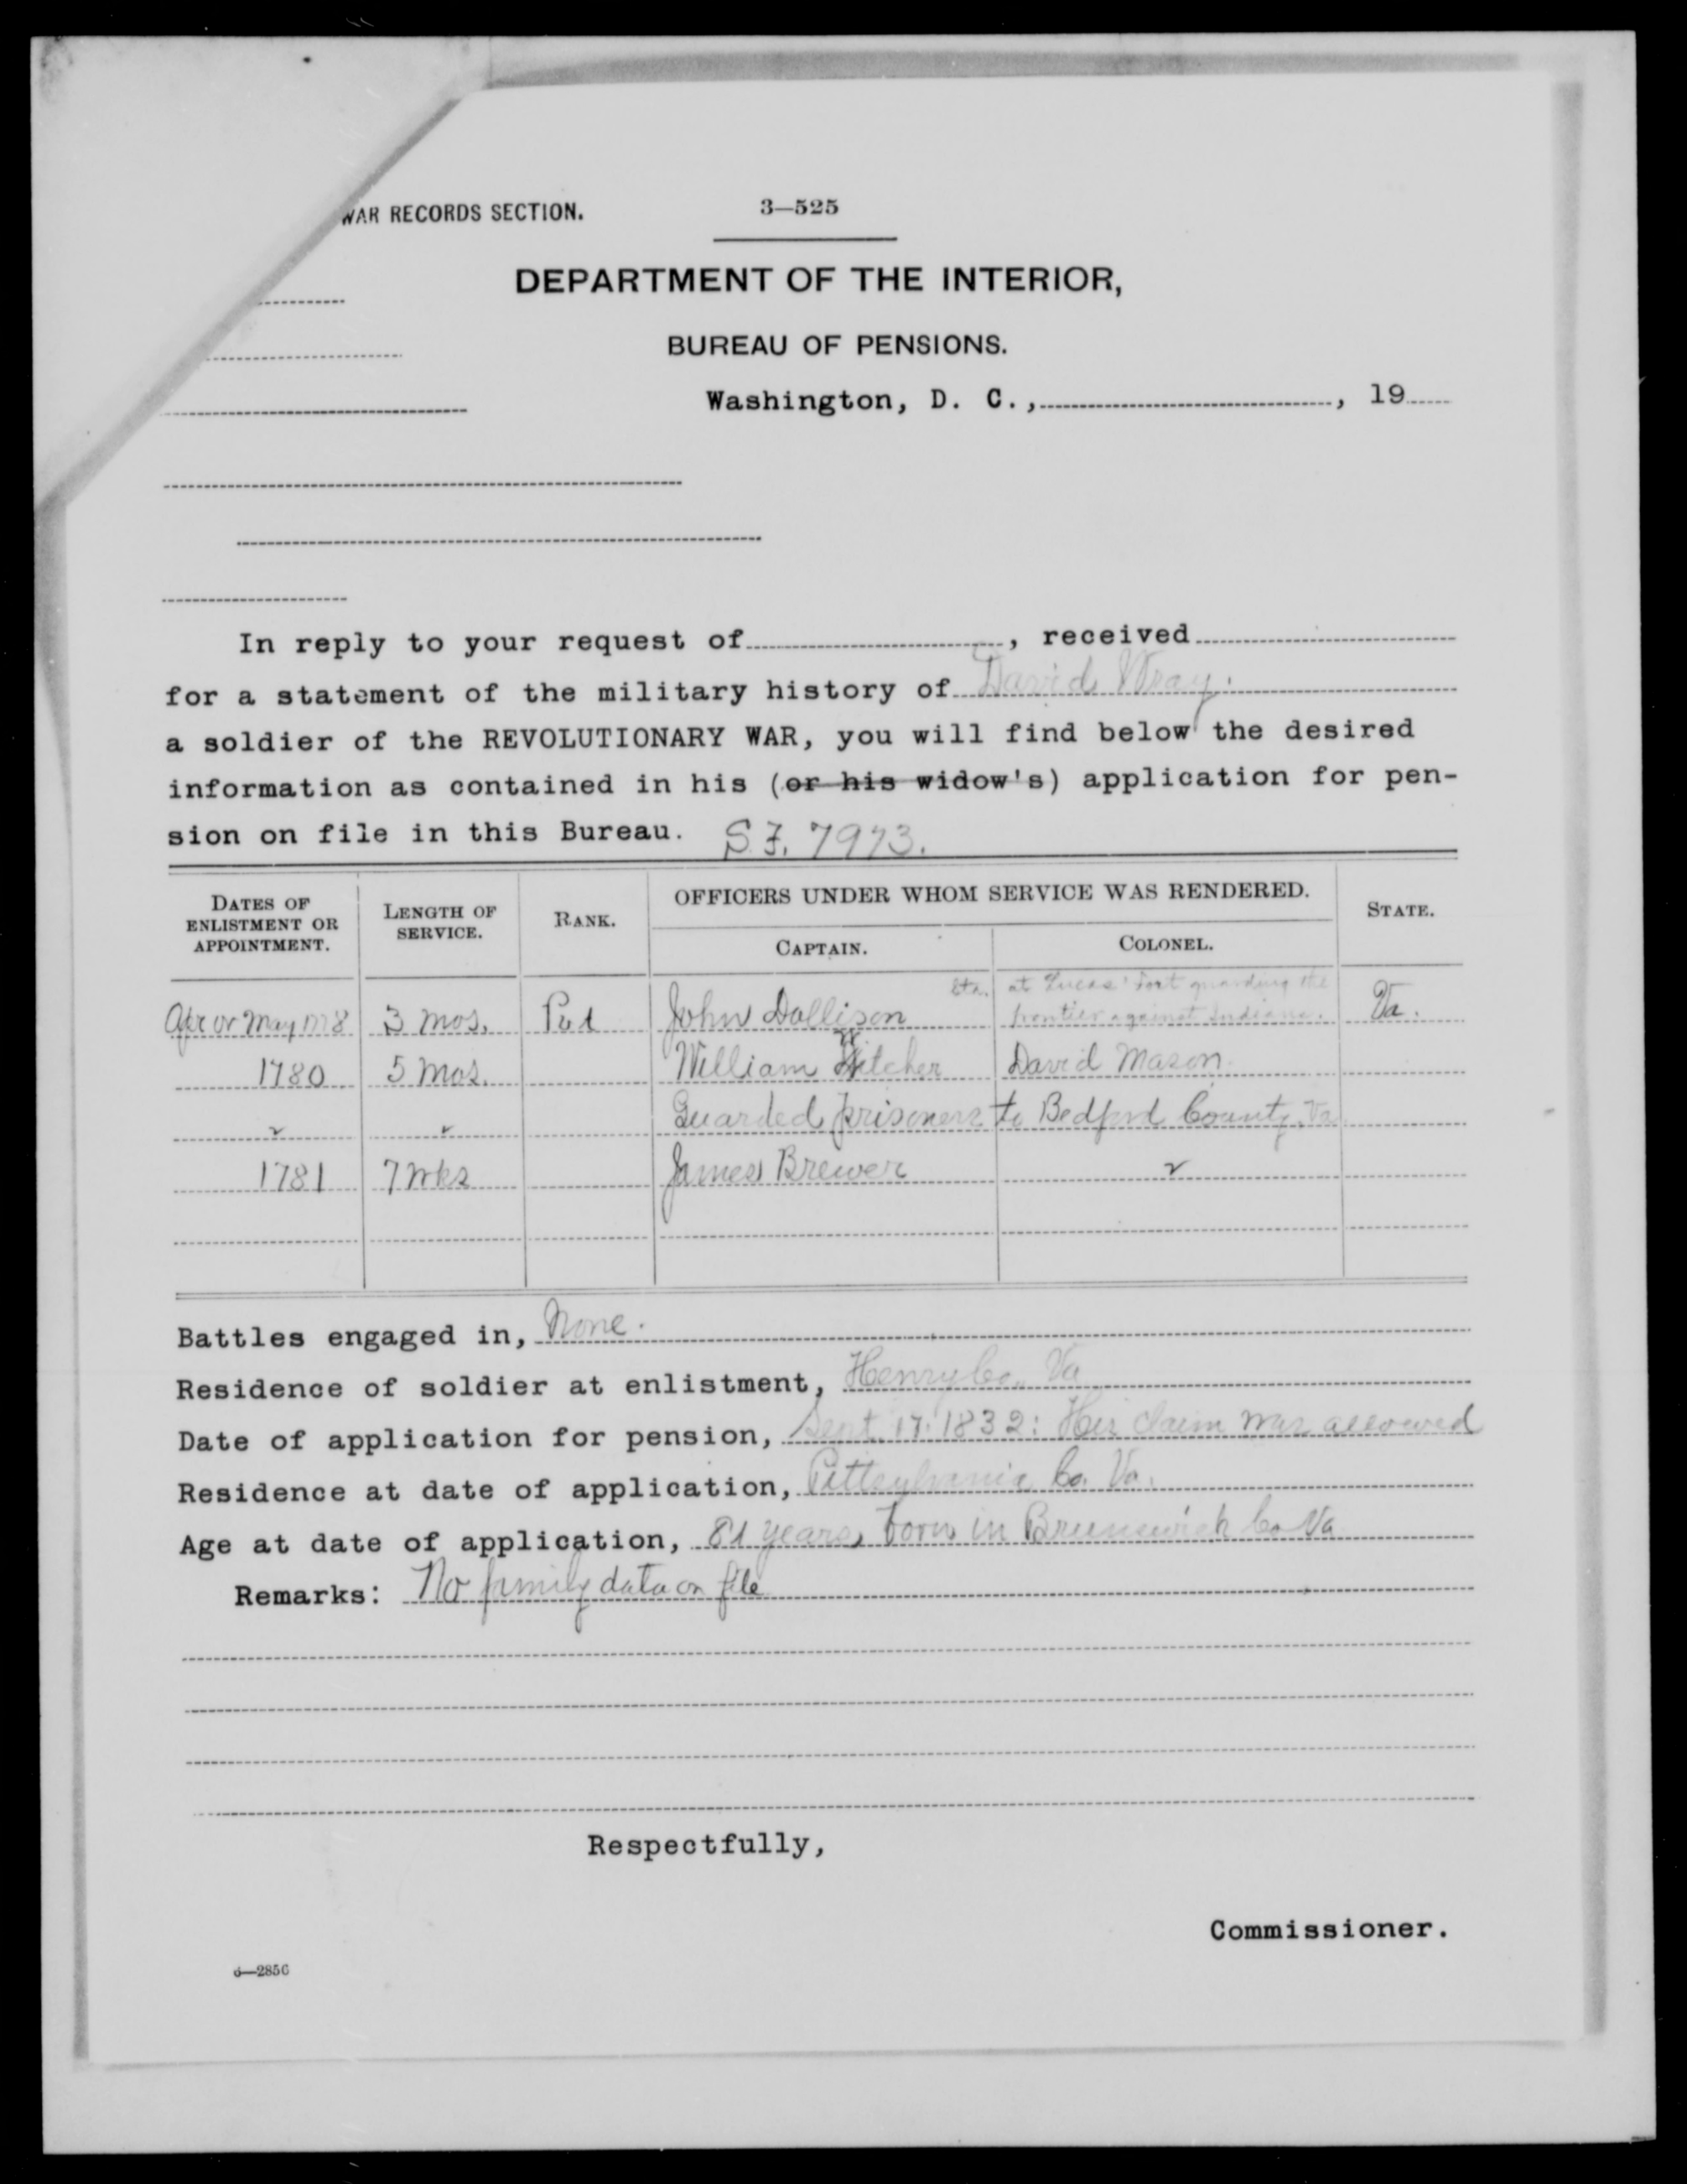WAR RECORDS SECTION.                 3-525
DEPARTMENT OF THE INTERIOR,
BUREAU OF PENSIONS.
Washington, D.C.,......, 19....

     In reply to your request of ......, received.....
for a statement of the military history of David Wray
a soldier of the REVOLUTIONARY WAR, you will find below the desired
information as contained in his [ these words are crossed out: (or his widow's)] application for pen-
sion on file in this Bureau.  SF.7973.
DATES OF                LENGTH OF           RANK         OFFICERS UNDER WHOM SERVICE WAS RENDERED.
ENLISTMENT OR       SERVICE                                  CAPTAIN.                          COLONEL.                               STATE.
APPOINTMENT.
Apr or May 1778          3mos.                 Pvt            John Dollison    etc.       at Lucas' Fort guarding the          Va.
                                                                                                                       frontier against Indians.
                   1780          5mos.                                   William Witcher             David Mason
                    "                 "                                         Guarded prisoners to Bedford county, Va.
                   1781           7 wks                                   James brewer                              2

Battles engaged in, None
Residence of soldier at enlistment, Henry co, Va.
Date of application for pension, Sept 17, 1832: His claim was allowed
Residence at date of application, Pittsylvania Co, Va.
Age at date of application, 81 years, born in Brunswick co Va.
    Remarks:  No family data on file


    Respectfully,
                            Commissioner.

6-285C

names: James Brewer, John Dollison, David Mason, David Wray, William Witcher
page: 11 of 19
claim: survivor's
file: S. 7,973, David Wray, Va.